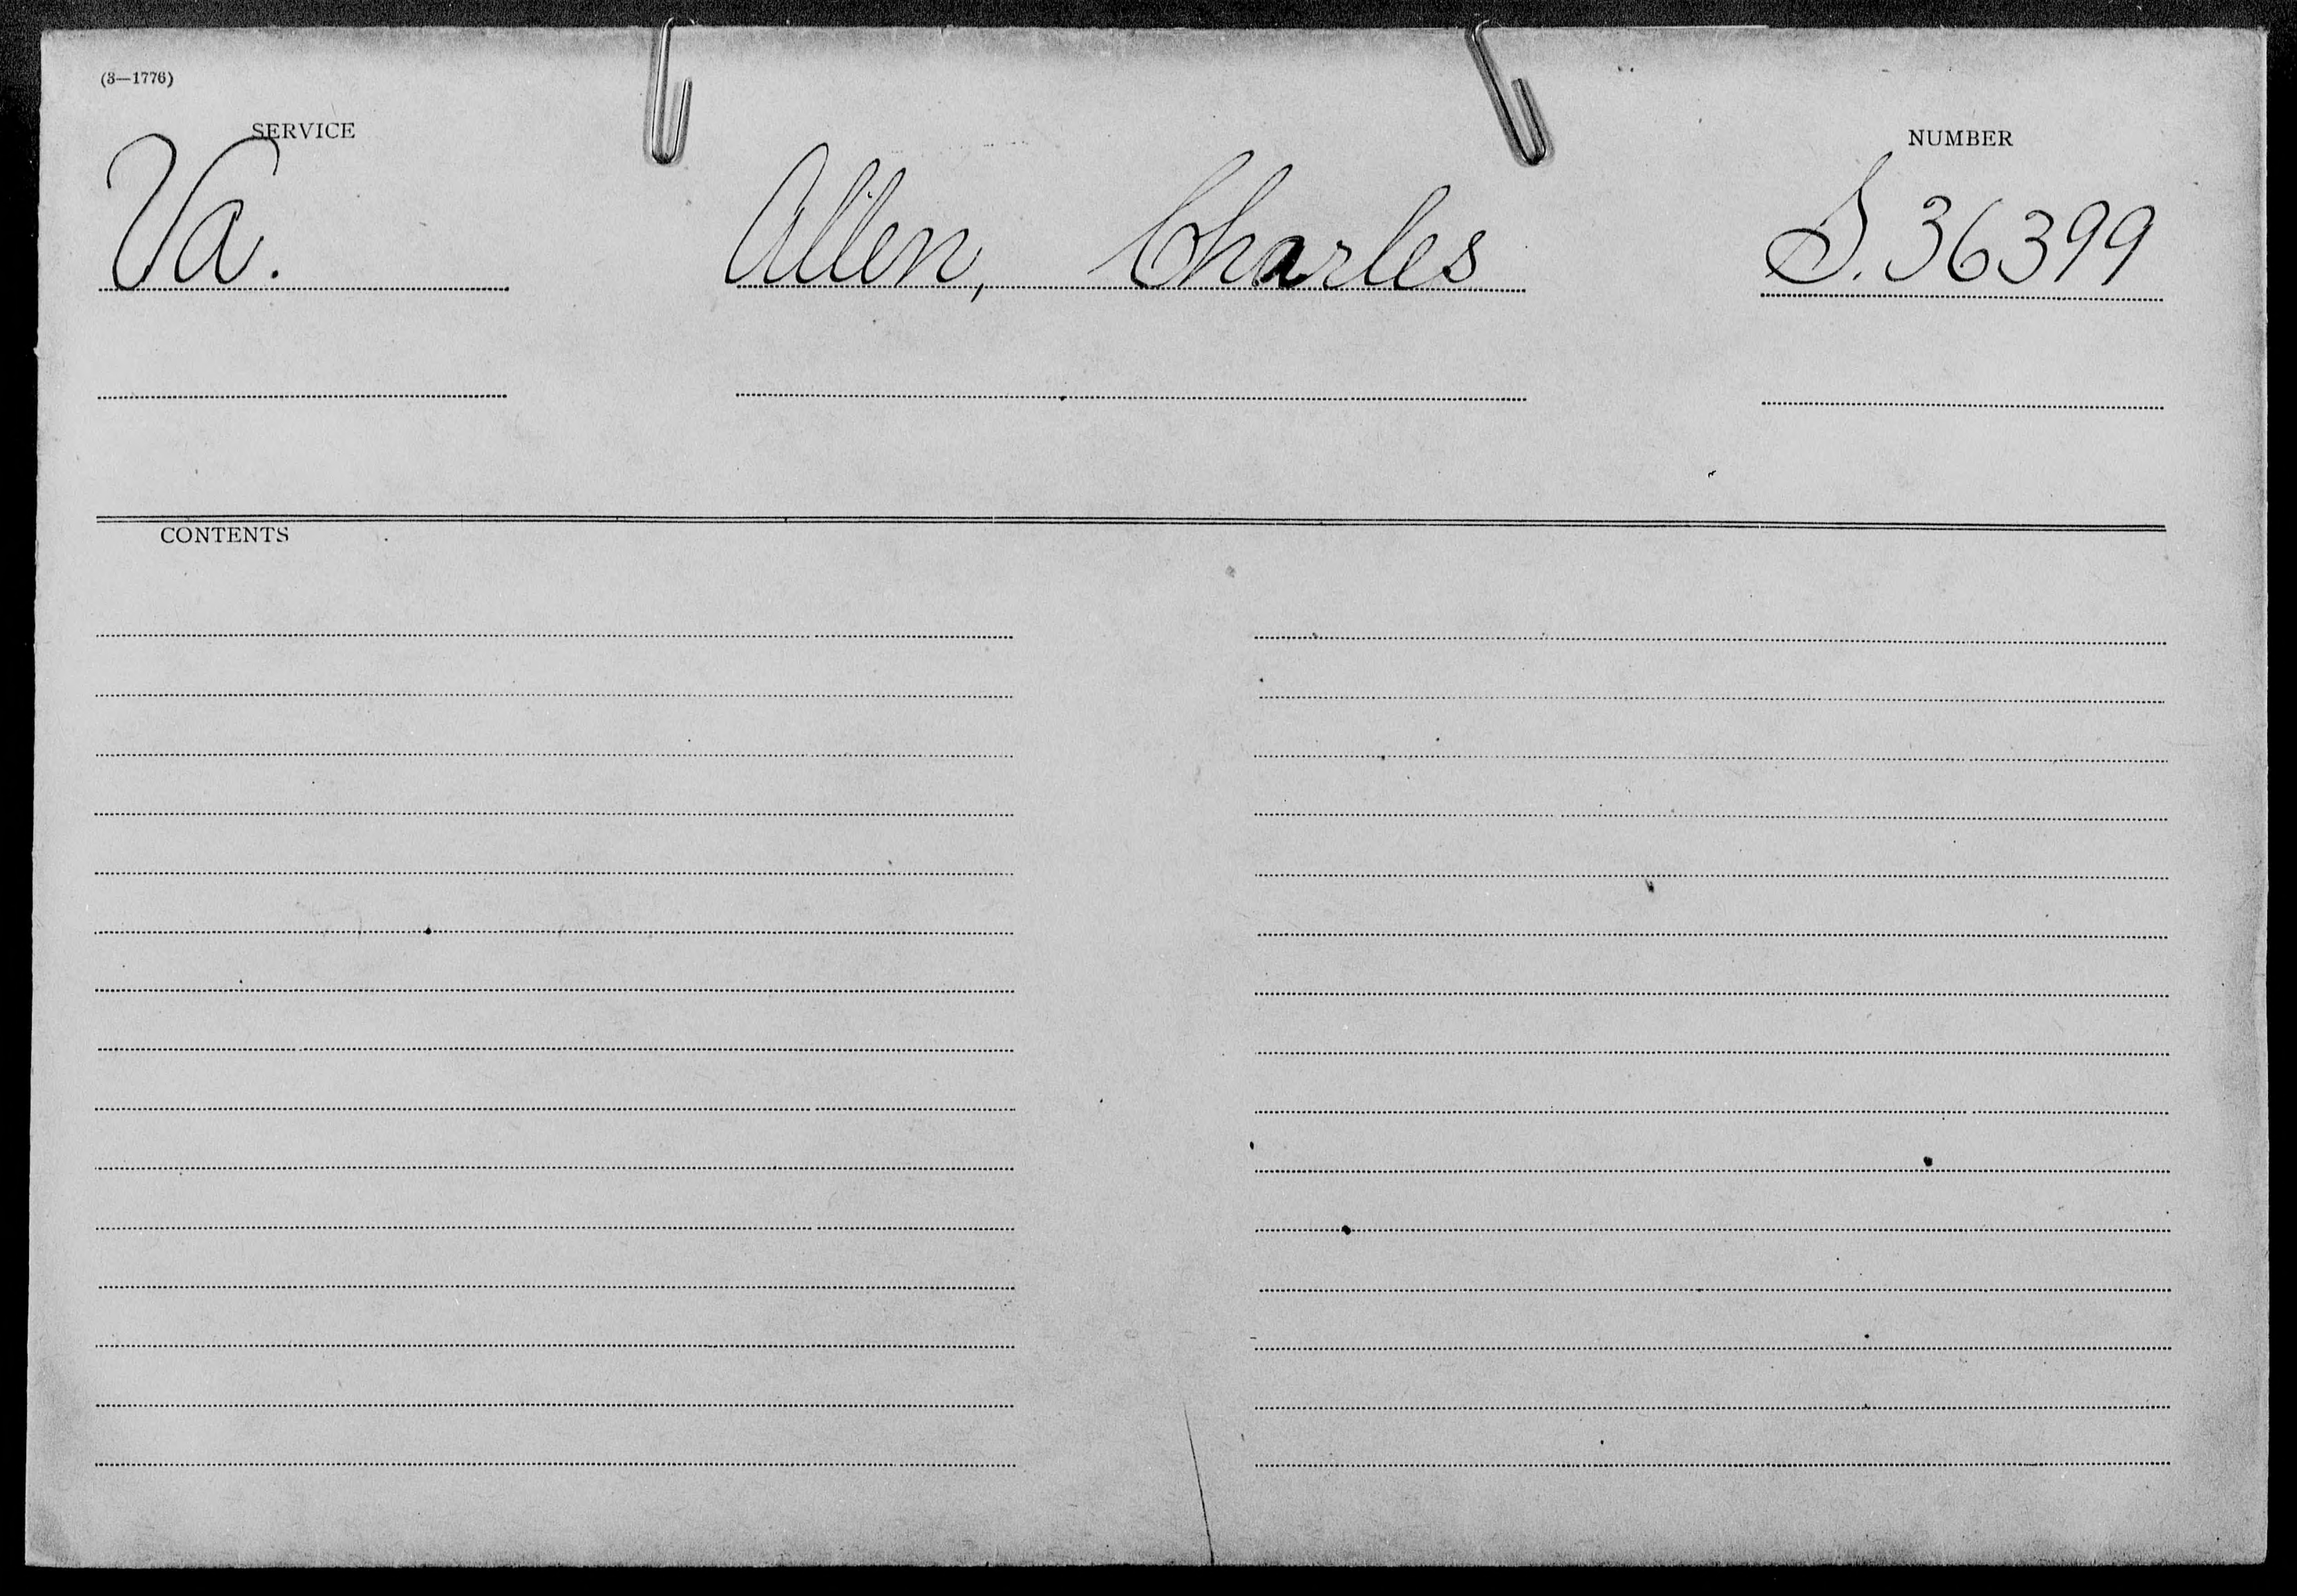Service
Va. Virginia

Allen, Charles

Number
S. 36399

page: 1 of 22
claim: survivor's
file: S. 36399, Charles Allen, Va.